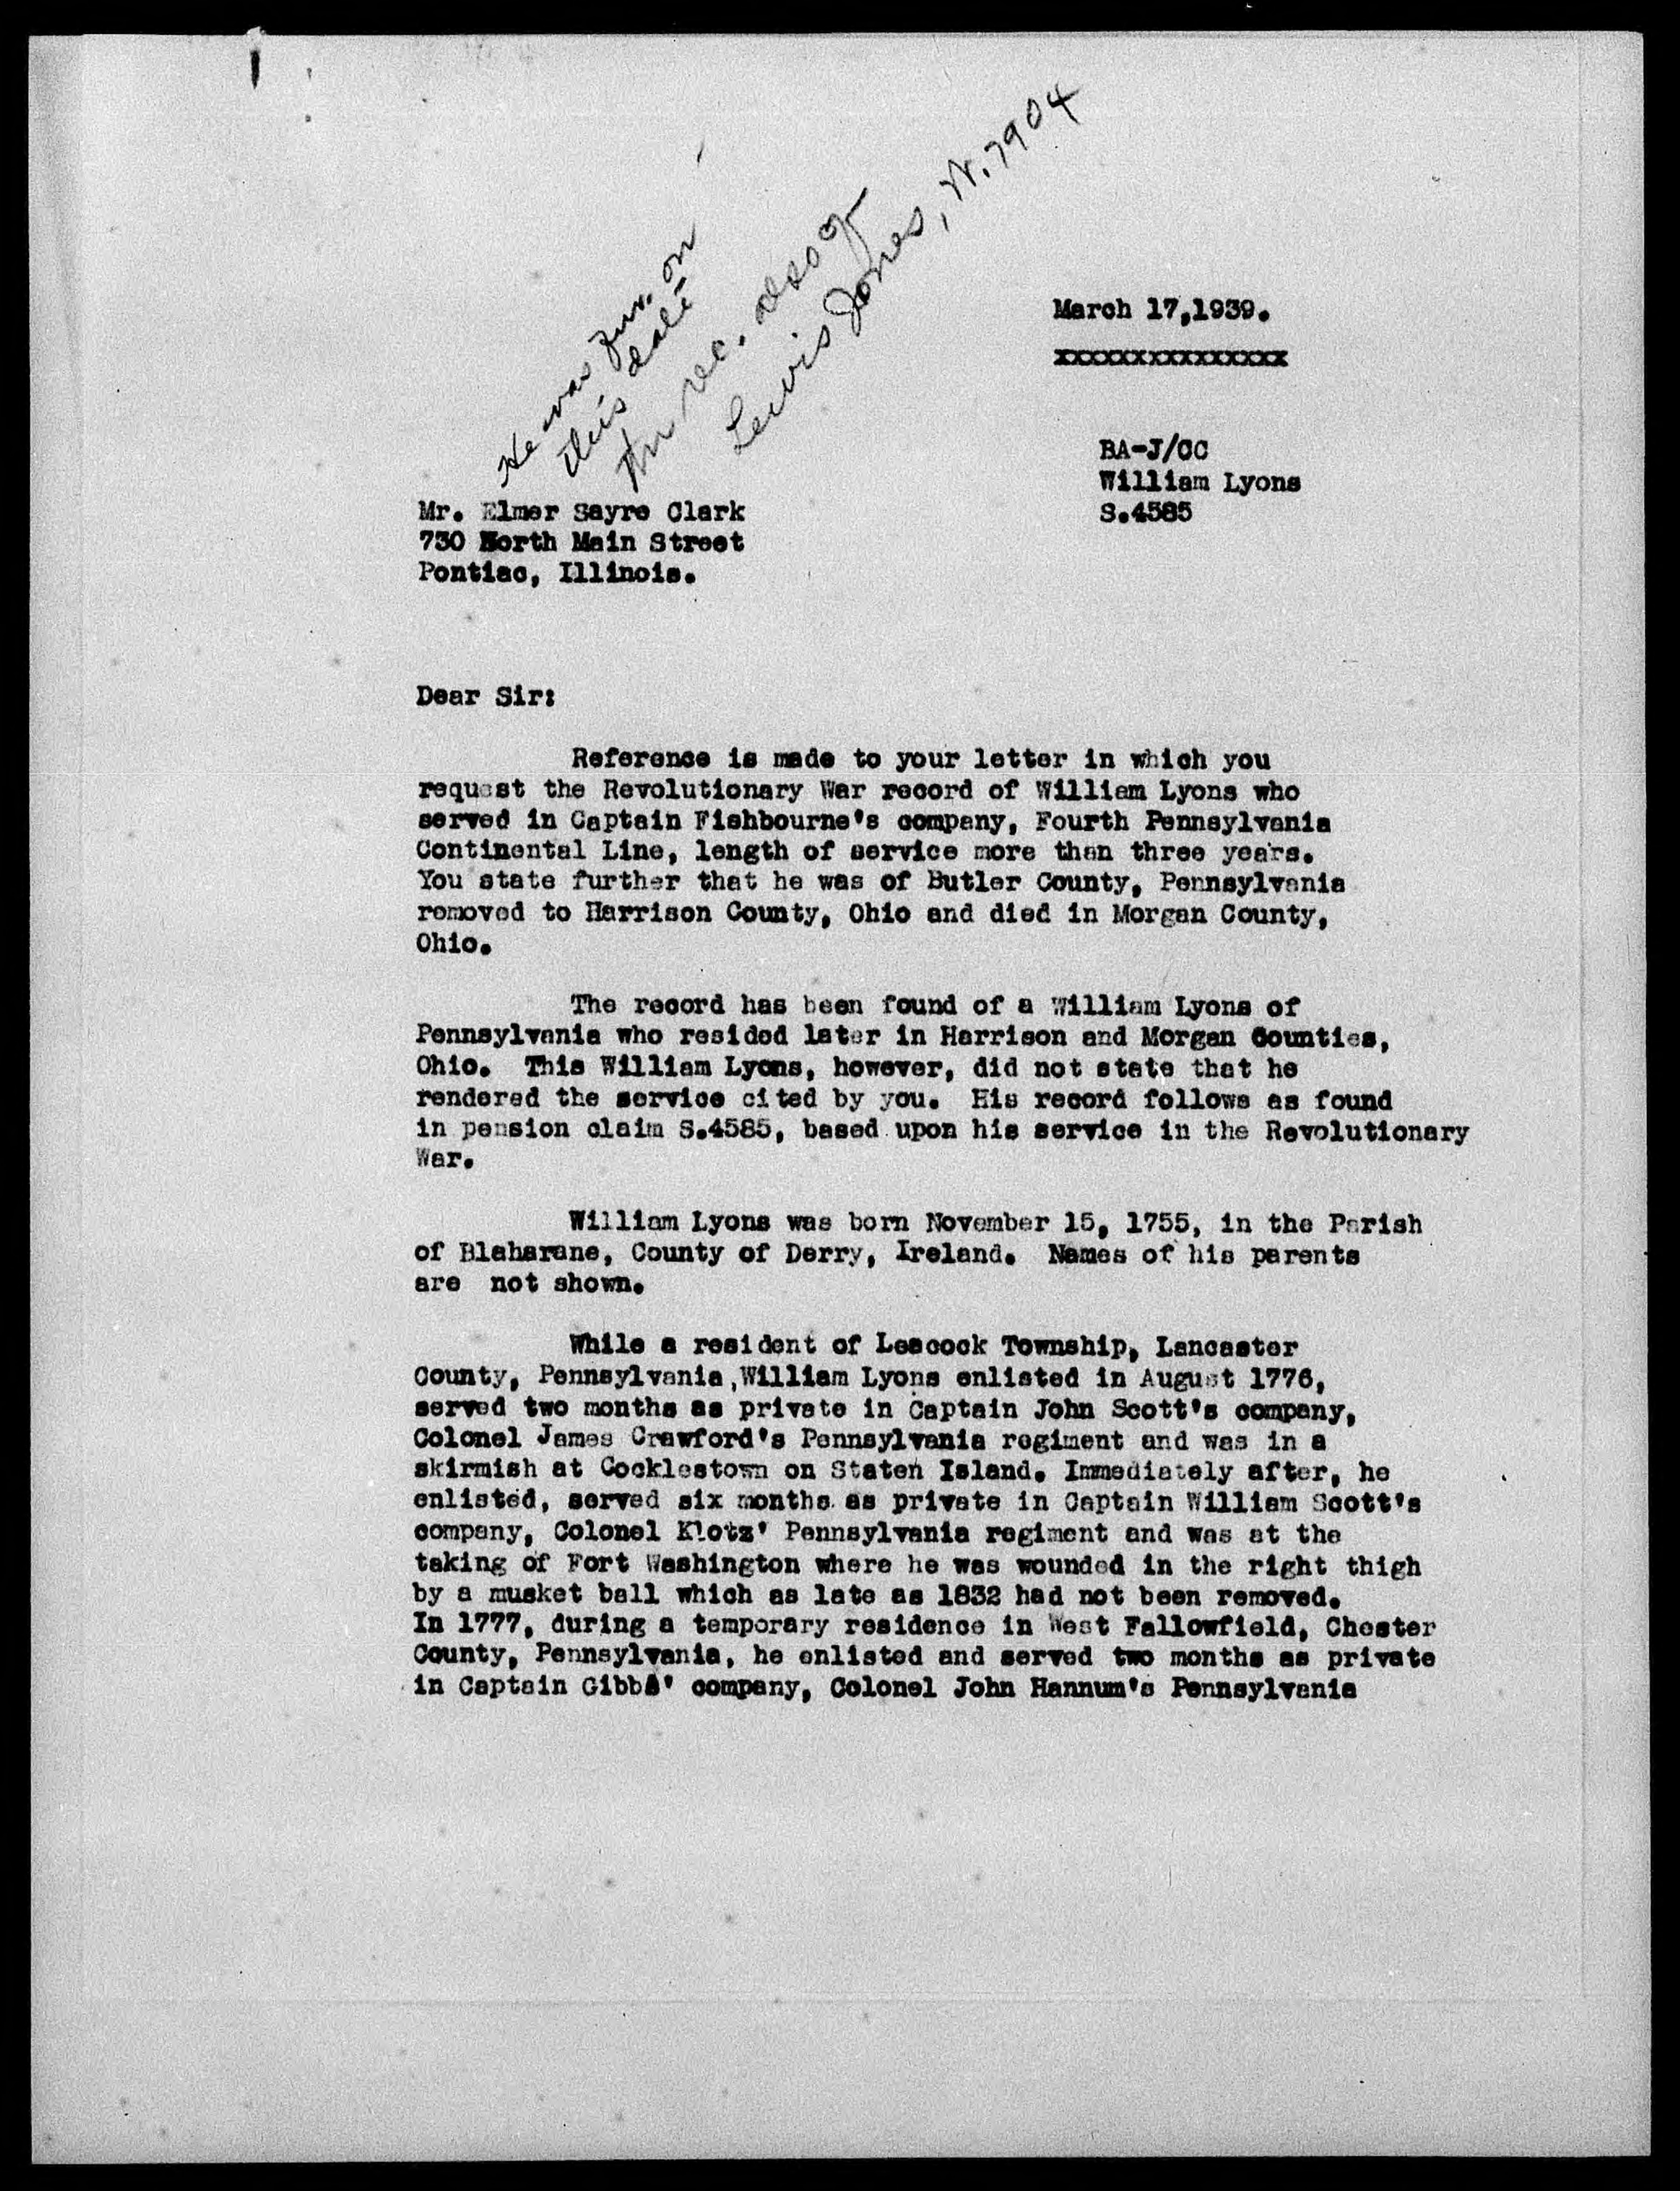March 17, 1939
BAJ/CC
William Lyons
s.4585
Mr. Elmer Sayre Clark
730 North Main Street
Pontiac, Illinois
He was born on this date the rec. also of Lewis Jones
Dear Sir:
Reference is made to your letter in which you request the Revolutionary War record of William Lyons who served in Captain Fishbourne's company, Fourth Pennsylvania Continental Line, length of service more than three years. You state further that he was of Butler County, Pennsylvania removed to Harrison county, Ohio and died in Morgan County, Ohio.
The record has been found of William Lyons of Pennsylvania who resided later in Harrison and Morgan Counties, Ohio. This William Lyons, however, did not state that he rendered the service cited by you. His record follows as found in pension claim s.4585, based upon his service in the Revolutioonary War.
William Lyons was born November 14, 1755, in the Parish of Blaharene, County of Derry, Ireland. Names of his parents are not shown. 
While a residen to Lescock Township, Lancaster County, Pennsylvania, William Lyons enlisted in August 1776, served two months as private in Captain John Scott's company, c=Colonel James Crawford's Pennsylvania Regiment and was in a skirmish at Cocklestown on Staten island. Immediately after, he enlisted, served six months as private in Captain William Scott's company, Colonel Klotz' Pennsylvania Regiment and was a the taking of Fort Washington where he was wounded in the right thigh by a Musket ball which as late as 1832 had not been removed. in 1777, during a temporary residence in West Fallowfield, Chester County, Pennsylvania, he enlisted and served two months as private in Captain Gibbs' company, Colonel John Hannum's Pennsylvania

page: 4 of 41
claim: survivor's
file: S. 4585, for William Lyons, Pennsylvania